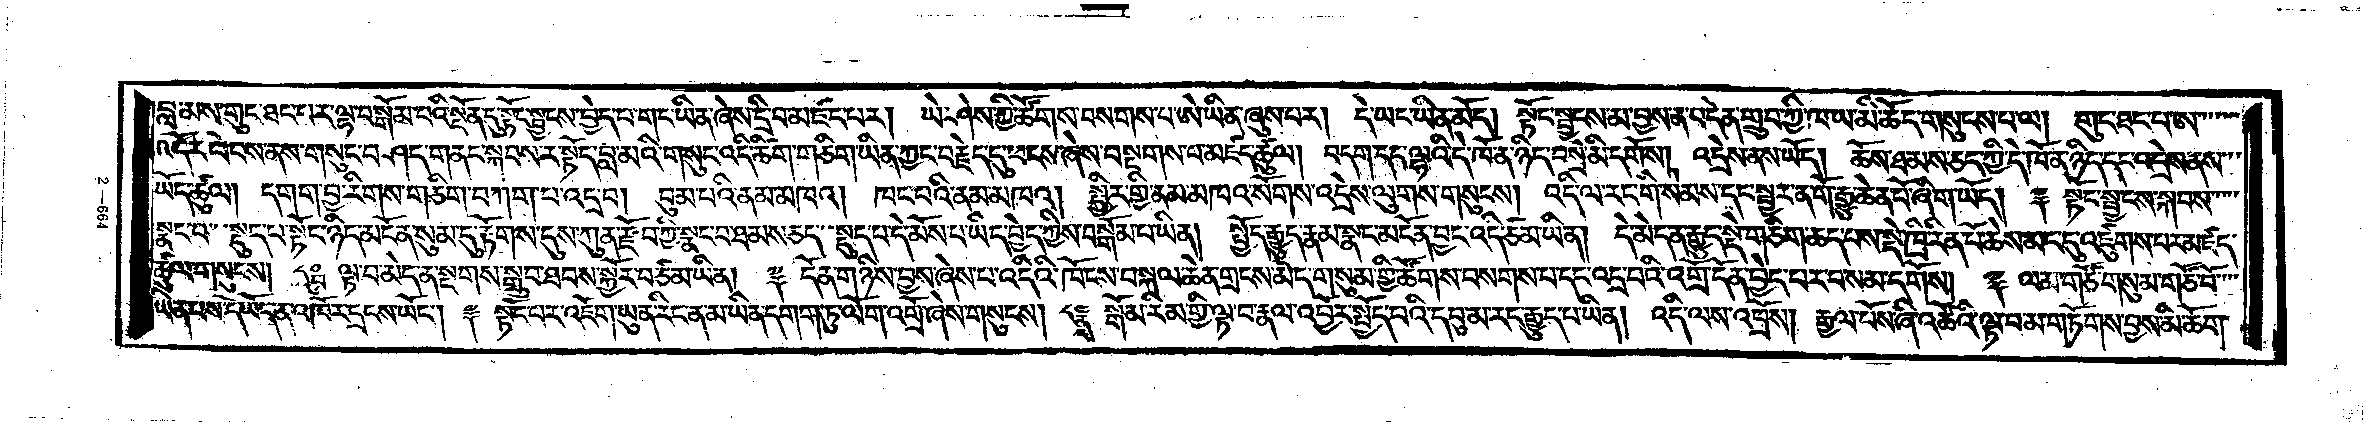བླ་མས་གུང་ཐང་བར་ལྷ་བསྒོམ་པའི་སྔོན་དུ་སྟོང་སྦྱངས་བྱེད་པ་གང་ཡིན་ཞེས་དྲི་བ་མཛད་པར། ཡེ་ཤེས་ཀྱི་ཚོགས་བསགས་པ་ཨེ་ཡིན་ཞུས་པར། དེ་ཡང་ཡིན་མོད། སྟོང་སྦྱངས་མ་བྱས་ན་བདེན་གྲུབ་ཀྱི་ཁ་ཡ་མི་ཆོད་གསུངས་པ་ལ། གུང་ཐང་པ་ཨ་
འདོར་བེབས་ནས་གསུང་བཤད་གནང་སྐབས་ར་སྟོད་བླ་མའི་གསུང་འདི་ཚིག་གཅིག་ཡིན་ཀྱང་རྗེད་དུ་ཕངས་ཞེས་བསྔགས་བ་མཛད་ཚུལ། བདག་དང་ལྷའི་དེ་ཁོ་ན་ཉིད་བསྲེ་མི་དགོས། འདྲེས་ནས་ཡོད། ཆོས་ཐམས་ཅད་ཀྱི་དེ་ཁོ་ན་ཉིད་དང་འདྲེས་ནས་
ཡོད་ཚུལ། དགག་བྱ་རིགས་གཅིག་བཀག་པ་འདྲ་བ། བུམ་པའི་ནམ་མཁའ། ཁང་པའི་ནམ་མཁའ། སྤྱིར་གྱི་ནམ་མཁའ་སོགས་འདྲེས་ལུགས་གསུངས། འདི་ལ་རང་གི་སེམས་དང་སྦྱར་ན་གོ་རྒྱུ་ཆེན་པོ་ཞིག་ཡོད། ༈ སྟོང་སྦྱངས་སྐབས་
སྣང་བ་སྡུད་པ་སྟོང་ཉིད་མངོན་སུམ་དུ་རྟོགས་དུས་ཀུན་རྫོབ་ཀྱི་སྣང་བ་ཐམས་ཅད་སྡུད་པ་དེ་མོས་པ་ཡིད་བྱེད་ཀྱིས་བསྒོམ་པ་ཡིན། སྤྱོད་རྒྱུད་རྣམ་སྣང་མངོན་བྱང་འདི་ཙམ་ཡིན། དེ་མེད་ན་རྒྱུད་སྡེ་གཅིག་ཆད་པས་སྡེ་ཁྲི་རིན་པོ་ཆེས་མང་དུ་འཛུགས་པར་མཛད་
ཚུལ་གསུངས། ༨༠བ༦་ལྟ་བ་མེད་ན་སྔགས་སྒྲུབ་ཐབས་སྐྱོར་བ་ཙམ་ཡིན། ༈ དོན་གཉིས་བྱས་ཞེས་པ་འདིའི་ཁོངས་བསྐལ་ཆེན་གྲངས་མེད་གསུམ་གྱི་ཚོགས་བསགས་པ་དང་འདྲ་བའི་འགྲོ་དོན་བྱེད་པར་བསམ་དགོས། ༈ ལམ་གཙོ་གསུམ་གཙོ་བོ་
ཡིན་པས་དེ་ཡོད་ན་འཁོར་དྲངས་ཡོང་། ༈ སྟོང་པར་འཇོག་ཡུན་རིང་ན་མ་ཡིན་དགག་ཏུ་ལོག་འགྲོ་ཞེས་གསུངས། ༨༤ན༢་སྒོམ་རིམ་གྱི་ལྟ་བ་རྣལ་འབྱོར་སྤྱོད་པའི་དབུ་མ་རང་རྒྱུད་པ་ཡིན། འདི་ལས་བྲོས། རྒྱལ་པོས་ཞི་འཚོའི་ལྟ་བ་མ་གཏོགས་བྱས་མི་ཆོག་